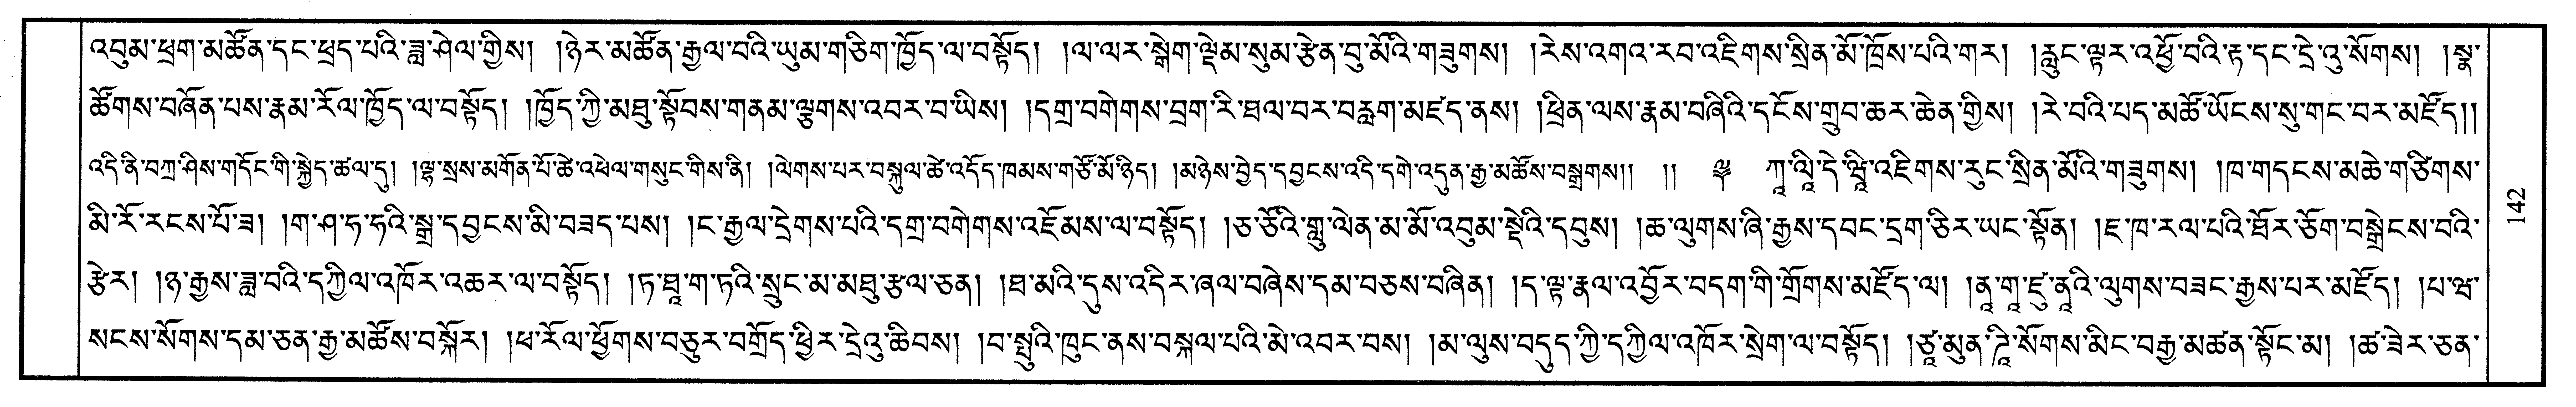འབུམ་ཕྲག་མཚོན་དང་ཕྲད་པའི་ཟླ་ཤེལ་གྱིས། །ཉེར་མཚོན་རྒྱལ་བའི་ཡུམ་གཅིག་ཁྱོད་ལ་བསྟོད། །ལ་ལར་སྒེག་ལྡེམ་སུམ་རྩེན་བུ་མོའི་གཟུགས། །རེས་འགའ་རབ་འཇིགས་སྲིན་མོ་ཁྲོས་པའི་གར། །རླུང་ལྟར་འཕྱོ་བའི་རྟ་དང་དྲེ་འུ་སོགས། །སྣ་
ཚོགས་བཞོན་པས་རྣམ་རོལ་ཁྱོད་ལ་བསྟོད། །ཁྱོད་ཀྱི་མཐུ་སྟོབས་གནམ་ལྕགས་འབར་བ་ཡིས། །དགྲ་བགེགས་བྲག་རི་ཐལ་བར་བརླག་མཛད་ནས། །ཕྲིན་ལས་རྣམ་བཞིའི་དངོས་གྲུབ་ཆར་ཆེན་གྱིས། །རེ་བའི་པད་མཚོ་ཡོངས་སུ་གང་བར་མཛོད།།
འདི་ནི་བཀྲ་ཤིས་གདོང་གི་སྐྱེད་ཚལ་དུ། །ལྷ་སྲས་མགོན་པོ་ཚེ་འཕེལ་གསུང་གིས་ནི། །ལེགས་པར་བསྐུལ་ཚེ་འདོད་ཁམས་གཙོ་མོ་ཉིད། །མཉེས་བྱེད་དབྱངས་འདི་དགེ་འདུན་རྒྱ་མཚོས་བསྒྲགས།། །། ༈ ཀཱ་ལཱི་དེ་ཝཱི་འཇིགས་རུང་སྲིན་མོའི་གཟུགས། །ཁ་གདངས་མཆེ་གཙིགས་
མི་རོ་རངས་པོ་ཟ། །ག་ཤ་ཧ་ཧའི་སྒྲ་དབྱངས་མི་བཟད་པས། །ང་རྒྱལ་དྲེགས་པའི་དགྲ་བགེགས་འཇོམས་ལ་བསྟོད། །ཅ་ཅོའི་གླུ་ལེན་མ་མོ་འབུམ་སྡེའི་དབུས། །ཆ་ལུགས་ཞི་རྒྱས་དབང་དྲག་ཅིར་ཡང་སྟོན། །ཇ་ཁ་རལ་པའི་ཐོར་ཅོག་བསྒྲེངས་བའི་
རྩེར། །ཉ་རྒྱས་ཟླ་བའི་དཀྱིལ་འཁོར་འཆར་ལ་བསྟོད། །ཏ་ཐཱ་ག་ཏའི་སྲུང་མ་མཐུ་རྩལ་ཅན། །ཐ་མའི་དུས་འདིར་ཞལ་བཞེས་དམ་བཅས་བཞིན། །ད་ལྟ་རྣལ་འབྱོར་བདག་གི་གྲོགས་མཛོད་ལ། །ནཱ་གཱ་ཛུ་ནཱའི་ལུགས་བཟང་རྒྱས་པར་མཛོད། །པ་ཝ་
སངས་སོགས་དམ་ཅན་རྒྱ་མཚོས་བསྐོར། །ཕ་རོལ་ཕྱོགས་བཅུར་བགྲོད་ཕྱིར་དྲེའུ་ཆིབས། །བ་སྤུའི་ཁུང་ནས་བསྐལ་པའི་མེ་འབར་བས། །མ་ལུས་བདུད་ཀྱི་དཀྱིལ་འཁོར་སྲེག་ལ་བསྟོད། །ཙཱ་མུན་ཌཱི་སོགས་མིང་བརྒྱ་མཚན་སྟོང་མ། །ཚ་ཟེར་ཅན་